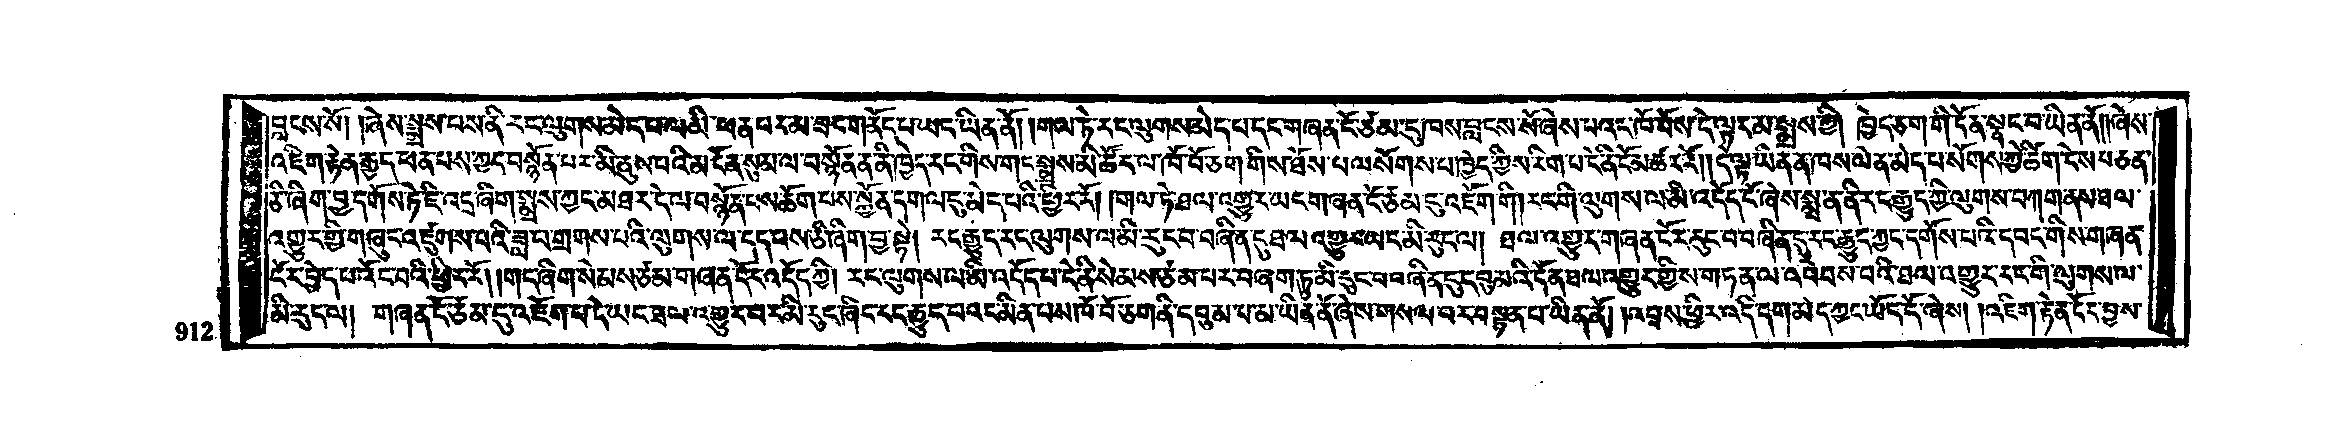བླངས་སོ། །ཞེས་སྨྲས་པས་ནི་རང་ལུགས་མེད་པ་ལ་མི་ཕན་པར་མ་ཟད་གནོད་པ་ཡང་ཡིན་ནོ། །གལ་ཏེ་རང་ལུགས་མེད་པ་དང་གཞན་ངོ་ཙམ་དུ་ཁས་བླངས་སོ་ཞེས་པའང་ཁོ་བོས་དེ་ལྟར་མ་སྨྲས་ཀྱི། ཁྱེད་ཅག་གི་ངོ་ན་སྣང་བ་ཡིན་ནོ། །ཞེས་
འཇིག་རྟེན་རྒྱང་ཕན་པས་ཀྱང་བསྙོན་པར་མི་ནུས་པའི་མངོན་སུམ་ལ་བསྙོན་ན་ནི་ཁྱེད་རང་གིས་གང་སྨྲས་མི་ཚོར་ལ་ཁོ་བོ་ཅག་གིས་ཐོས་པ་ལ་སོགས་པ་ཁྱེད་ཀྱིས་རིག་པ་དེ་ནི་ངོ་མཚར་རོ། །དེ་ལྟ་ཡིན་ན་ཁས་ལེན་མེད་པ་སོགས་ཀྱི་ཚིག་ངེས་པ་ཅན་
ཅི་ཞིག་བྱ་དགོས་ཏེ་ཇི་འདྲ་ཞིག་སྨྲས་ཀྱང་མཐར་དེ་ལ་བསྙོན་པས་ཆོག་པས་སྐྱོན་དགལ་དུ་མེད་པའི་ཕྱིར་རོ། །གལ་ཏེ་ཐལ་འགྱུར་ཡང་གཞན་ངོ་ཙམ་དུ་འཇོག་གི། རང་གི་ལུགས་ལ་མི་འདོད་དོ་ཞེས་སྨྲ་ན་ནི་རང་རྒྱུད་ཀྱི་ལུགས་བཀག་ནས་ཐལ་
འགྱུར་གྱི་གཞུང་འཛུགས་པའི་ཟླ་བ་གྲགས་པའི་ལུགས་ལ་དད་པས་ཅི་ཞིག་བྱ་སྟེ། རང་རྒྱུད་རང་ལུགས་ལ་མི་རུང་བ་བཞིན་དུ་ཐལ་འགྱུར་ཡང་མི་རུང་ལ། ཐལ་འགྱུར་གཞན་ངོར་རུང་བ་བཞིན་དུ་རང་རྒྱུད་ཀྱང་དགོས་པའི་དབང་གིས་གཞན་
ངོར་བྱེད་པ་འོང་བའི་ཕྱིར་རོ། །གང་ཞིག་སེམས་ཙམ་གཞན་ངོར་འདོད་ཀྱི། རང་ལུགས་ལ་མི་འདོད་པ་དེ་ནི་སེམས་ཙམ་པར་བཞག་ཏུ་མི་རུང་བ་བཞིན་དུ་དབུ་མའི་དོན་ཐལ་འགྱུར་གྱིས་གཏན་ལ་འབེབས་པའི་ཐལ་འགྱུར་རང་གི་ལུགས་ལ་
མི་རུང་ལ། གཞན་ངོ་ཙམ་དུ་འཇོག་པ་དེ་ཡང་ཐལ་འགྱུར་བར་མི་རུང་ཞིང་རང་རྒྱུད་པའང་མིན་པས་ཁོ་བོ་ཅག་ནི་དབུ་མ་པ་མ་ཡིན་ནོ་ཞེས་གསལ་བར་བསྟན་པ་ཡིན་ནོ། །འབྲས་ཕྱིར་འདི་དག་མེད་ཀྱང་ཡོད་དོ་ཞེས། །འཇིག་རྟེན་ངོར་བྱས་